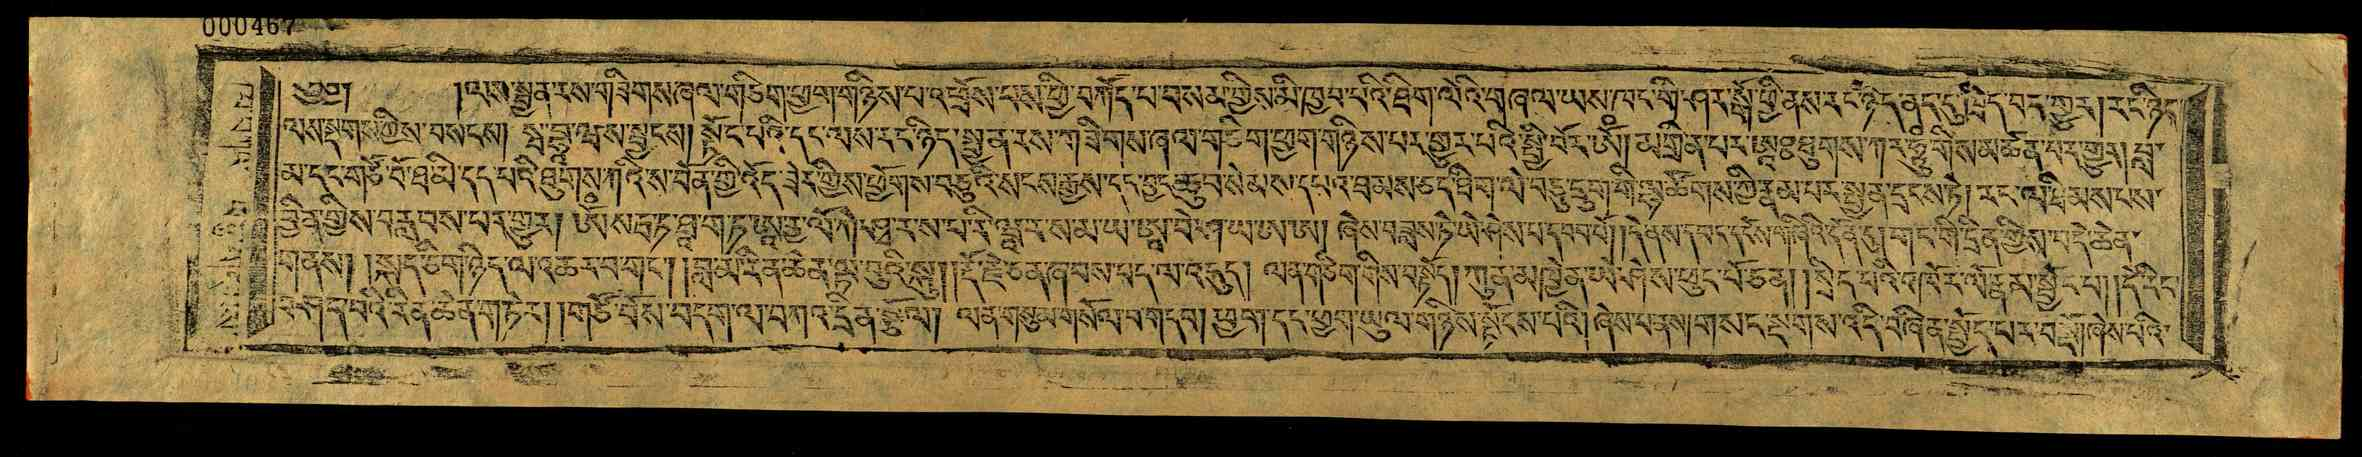༄༅། །ལས་སྤྱན་རས་གཟིགས་ཞལ་གཅིག་ཕྱག་གཉིས་པ་འཕྲོས་པས་ཕྱི་བཀོད་པ་བསམ་གྱིས་མི་ཁྱབ་པའི་ཐིག་ལེའི་གཞལ་ཡས་ཁང་གི་ཤར་སྒོ་ཕྱེ་ནས་རང་ཉིད་ནང་དུ་ཁྲིད་པར་གྱུར། རང་ཉིད་
ལས་སྔགས་ཀྱིས་བསངས། སྲ་བྷཱ་ཝས་སྦྱངས། སྟོང་པའི་ངང་ལས་རང་ཉིད་སྤྱན་རས་གཟིགས་ཞལ་གཅིག་ཕྱག་གཉིས་པར་གྱུར་པའི་སྤྱི་བོར་ཨོཾ། མགྲིན་པར་ཨཱཿ ཐུགས་ཀར་ཧཱུཾ་གིས་མཚན་པར་གྱུར། བླ་
མ་དང་གཙོ་བོ་ཐ་མི་དད་པའི་ཐུགས་ཀའི་ས་བོན་གྱི་འོད་ཟེར་གྱིས་ཕྱོགས་བཅུའི་སངས་རྒྱས་དང་བྱང་ཆུབ་སེམས་དཔའ་ཐམས་ཅད་ཐིག་ལེ་བཅུ་དྲུག་གི་ལྷ་ཚོགས་ཀྱི་རྣམ་པར་སྤྱན་དྲངས་ཏེ། རང་ལ་ཐིམས་པས་
བྱིན་གྱིས་བརླབས་པར་གྱུར། ཨོཾ་སརྦ་ཏ་ཐཱ་ག་ཏ་ཨཱརྱ་ལོ་ཀེ་ཤྭ་ར་ས་པ་རི་ཝཱ་ར་ས་མ་ཡ་ཨཱ་བེ་ཤ་ཡ་ཨ་ཨ། ཞེས་བཟླས་ཏེ་ཡེ་ཤེས་པ་དབབ་པོ། །དེ་ནས་དབང་དངོས་གཞིའི་དོན་དུ། གང་གི་དྲིན་གྱིས་བདེ་ཆེན་
གནས། །སྐད་ཅིག་ཉིད་ལ་འཆར་བ་གང་། །བླ་མ་རིན་ཆེན་ལྟ་བུའི་སྐུ། །རྡོ་རྗེ་ཅན་ཞབས་པད་ལ་འདུད། ལན་གཅིག་གིས་བསྟོད། ཀུན་མཁྱེན་ཡེ་ཤེས་ཕུང་པོ་ཅན། །སྲིད་པའི་འཁོར་ལོ་རྣམ་སྦྱོང་བ། །དེ་རིང་
བཤད་པའི་རིན་ཆེན་གཏེར། །གཙོ་བོས་བདག་ལ་བཀའ་དྲིན་སྩོལ། ལན་གསུམ་གསོལ་བ་གདབ། ཕྱག་དང་ཕྱག་ཡུལ་གཉིས་སྟོངས་པའི། ཞེས་པ་ནས། གསང་སྔགས་འདི་བཞིན་སྤྱོད་པར་བསྔོ། ཞེས་པའི་